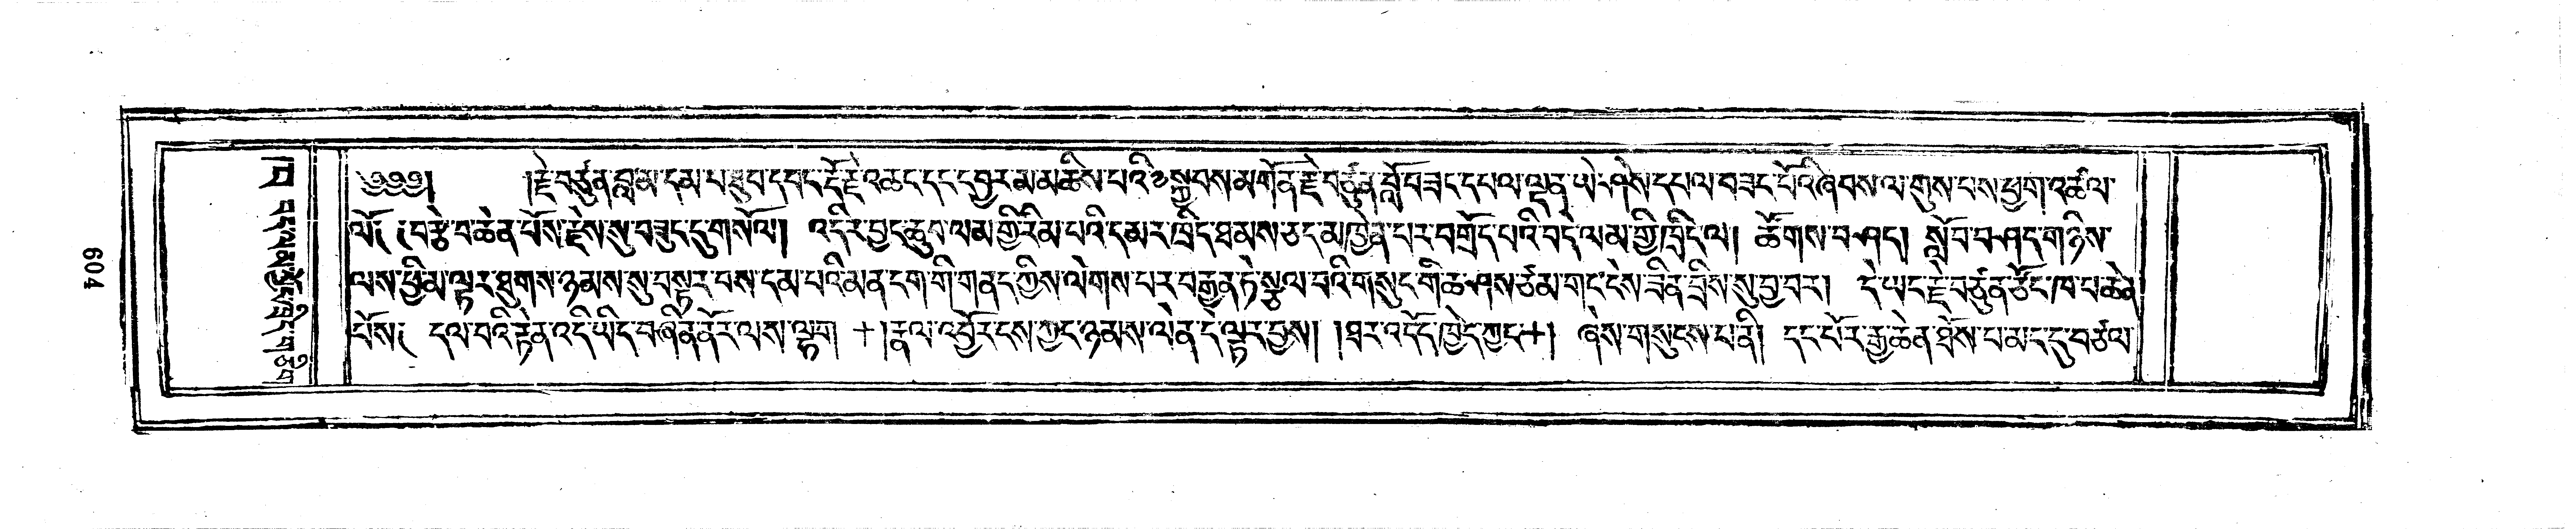༄༅༅། །རྗེ་བཙུན་བླ་མ་དམ་པ་ཐུབ་དབང་རྡོ་རྗེ་འཆང་དང་དབྱར་མ་མཆིས་པའི་༧་སྐྱབས་མགོན་རྗེ་བཙུན་བློ་བཟང་དཔལ་ལྡན་ཡེ་ཤེས་དཔལ་བཟང་པོའི་ཞབས་ལ་གུས་པས་ཕྱག་འཚལ་
ལོ༑ ༑བརྩེ་བ་ཆེན་པོས་རྗེས་སུ་བཟུང་དུ་གསོལ། འདིར་བྱང་ཆུབ་ལམ་གྱི་རིམ་པའི་དམར་ཁྲིད་ཐམས་ཅད་མཁྱེན་པར་བགྲོད་པའི་བདེ་ལམ་གྱི་ཁྲིད་ལ། ཚོགས་བཤད། སློབ་བཤད་གཉིས་
ལས་ཕྱི་མ་ལྟར་ཐུགས་ཉམས་སུ་བསྟར་བས་དམ་པའི་མན་ངག་གི་གནད་ཀྱིས་ལེགས་པར་བརྒྱན་ཏེ་སྩལ་བའི་གསུང་གི་ཆ་ཤས་ཙམ་གང་ངེས་ཟིན་བྲིས་སུ་བྱ་བར། དེ་ཡང་རྗེ་བཙུན་ཙོང་ཁ་པ་ཆེན་
པོས༑ དལ་བའི་རྟེན་འདི་ཡིད་བཞིན་ནོར་ལས་ལྷག་+་།རྣལ་འབྱོར་ངས་ཀྱང་ཉམས་ལེན་དེ་ལྟར་བྱས། །ཐར་འདོད་ཁྱེད་ཀྱང་+། ཞེས་གསུངས་པ་ནི། དང་པོར་རྒྱ་ཆེན་ཐོས་པ་མང་དུ་བཙལ་